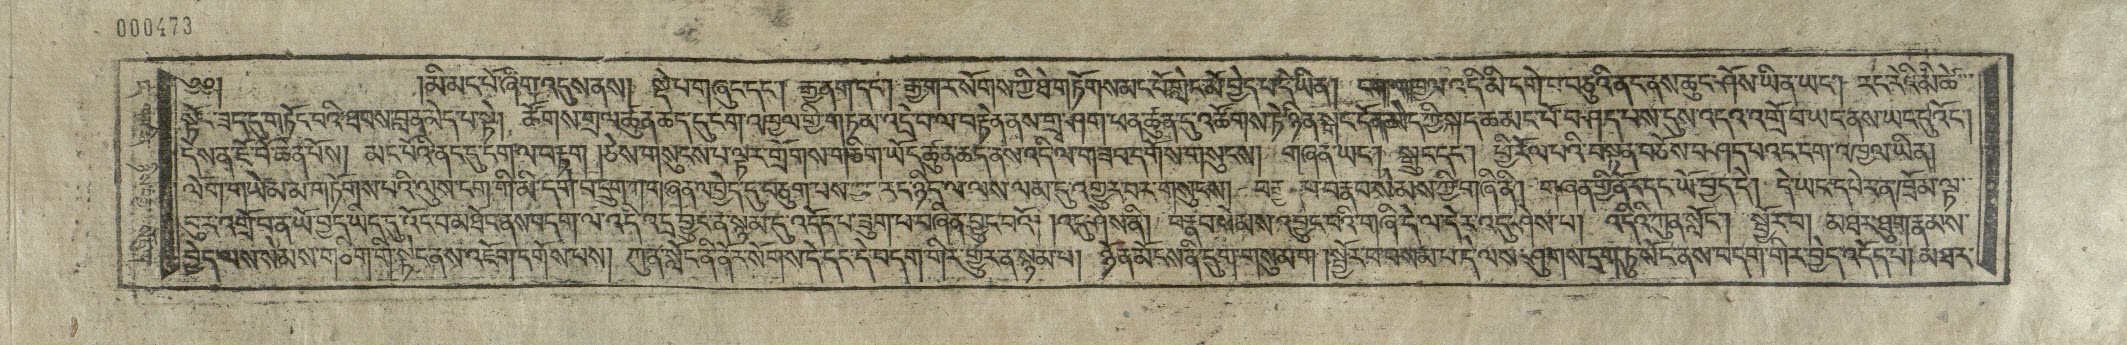༄༅། །མི་མང་པོ་ཞིག་འདུས་ནས། སྡེ་པ་གཞུང་དང་། རྒྱ་ནག་དང་། རྒྱ་གར་སོགས་ཀྱི་ཐེ་གཏོགས་མང་པོ་གླེང་མོ་བྱེད་པ་དེ་ཡིན། ངག་འཁྱལ་འདི་མི་དགེ་བ་བཅུའི་ནང་ནས་ཆུང་ཤོས་ཡིན་ཡང་། རང་རེའི་མི་ཚེ་
སྟོང་ཟད་དུ་གཏོང་བའི་ཐབས་བླ་ན་མེད་པ་སྟེ། ཚོགས་གྲལ་ཚུན་ཆད་དུ་ངག་འཁྱལ་གྱི་གཏམ་འདྲེ་བ་ལ་བརྟེན་ནས་གྲྭ་ཤག་ཕན་ཚུན་དུ་འཚོགས་ཏེ་ཉིན་སྒང་དོན་མེད་ཀྱི་སྐད་ཆ་མང་པོ་བཤད་པས་དུས་འདའ་འགྲོ་བ་ཡང་ནས་ཡང་དུ་འོང་།
དེས་ན་ཇོ་བོ་ཆེན་པོས། མང་པོའི་ནང་དུ་ངག་ལ་བརྟག །ཅེས་གསུངས་པ་ལྟར་གྲོགས་གཅིག་ཡོད་ཚུན་ཆད་ནས་འདི་ལ་གཟབ་དགོས་གསུངས། གཞན་ཡང་། སྒྲུང་དང་། ཕྱི་རོལ་པའི་བསྟན་བཅོས་བཤད་པའང་ངག་འཁྱལ་ཡིན།
ལོག་གཡེམ་མ་གཏོགས་པའི་ལུས་ངག་གི་མི་དགེ་བ་དྲུག་ཀ་གཞན་ལ་བྱེད་དུ་བཅུག་པས་ཀྱང་རང་ཉིད་ལ་ལས་ལམ་དུ་འགྱུར་བར་གསུངས། བརྒྱད་པ་བརྣབ་སེམས་ཀྱི་གཞི་ནི། གཞན་གྱི་ནོར་དང་ཡོ་བྱད་དེ། དེ་ཡང་དཔེར་ན་ཁྲོམ་ལྟ་
བུར་འགྲོ་བ་ན་ཡོ་བྱད་ཡིད་དུ་འོང་བ་མཐོང་ནས་བདག་ལ་འདི་འདྲ་བྱུང་ན་སྙམ་དུ་འདོད་པ་ཟུག་པ་བཞིན་བྱུང་བའོ། །འདུ་ཤེས་ནི། བརྣབ་སེམས་འབྱུང་བའི་གཞི་དེ་ལ་དེར་འདུ་ཤེས་པ། འདིའི་ཀུན་སློང་། སྦྱོར་བ། མཐར་ཐུག་རྣམས་
བྱེད་ལས་སེམས་གཅིག་གི་སྟེང་ནས་འཇོག་དགོས་པས། ཀུན་སློང་ནི་ནོར་སོགས་དེ་དང་དེ་བདག་གིར་གྱུར་ན་སྙམ་པ། ཉོན་མོངས་ནི་དུག་གསུམ་ག །སྦྱོར་བ་བསམ་པ་དེ་ལས་ཤུགས་དྲག་ཏུ་སོང་ནས་བདག་གིར་བྱེད་འདོད་པ། མཐར་